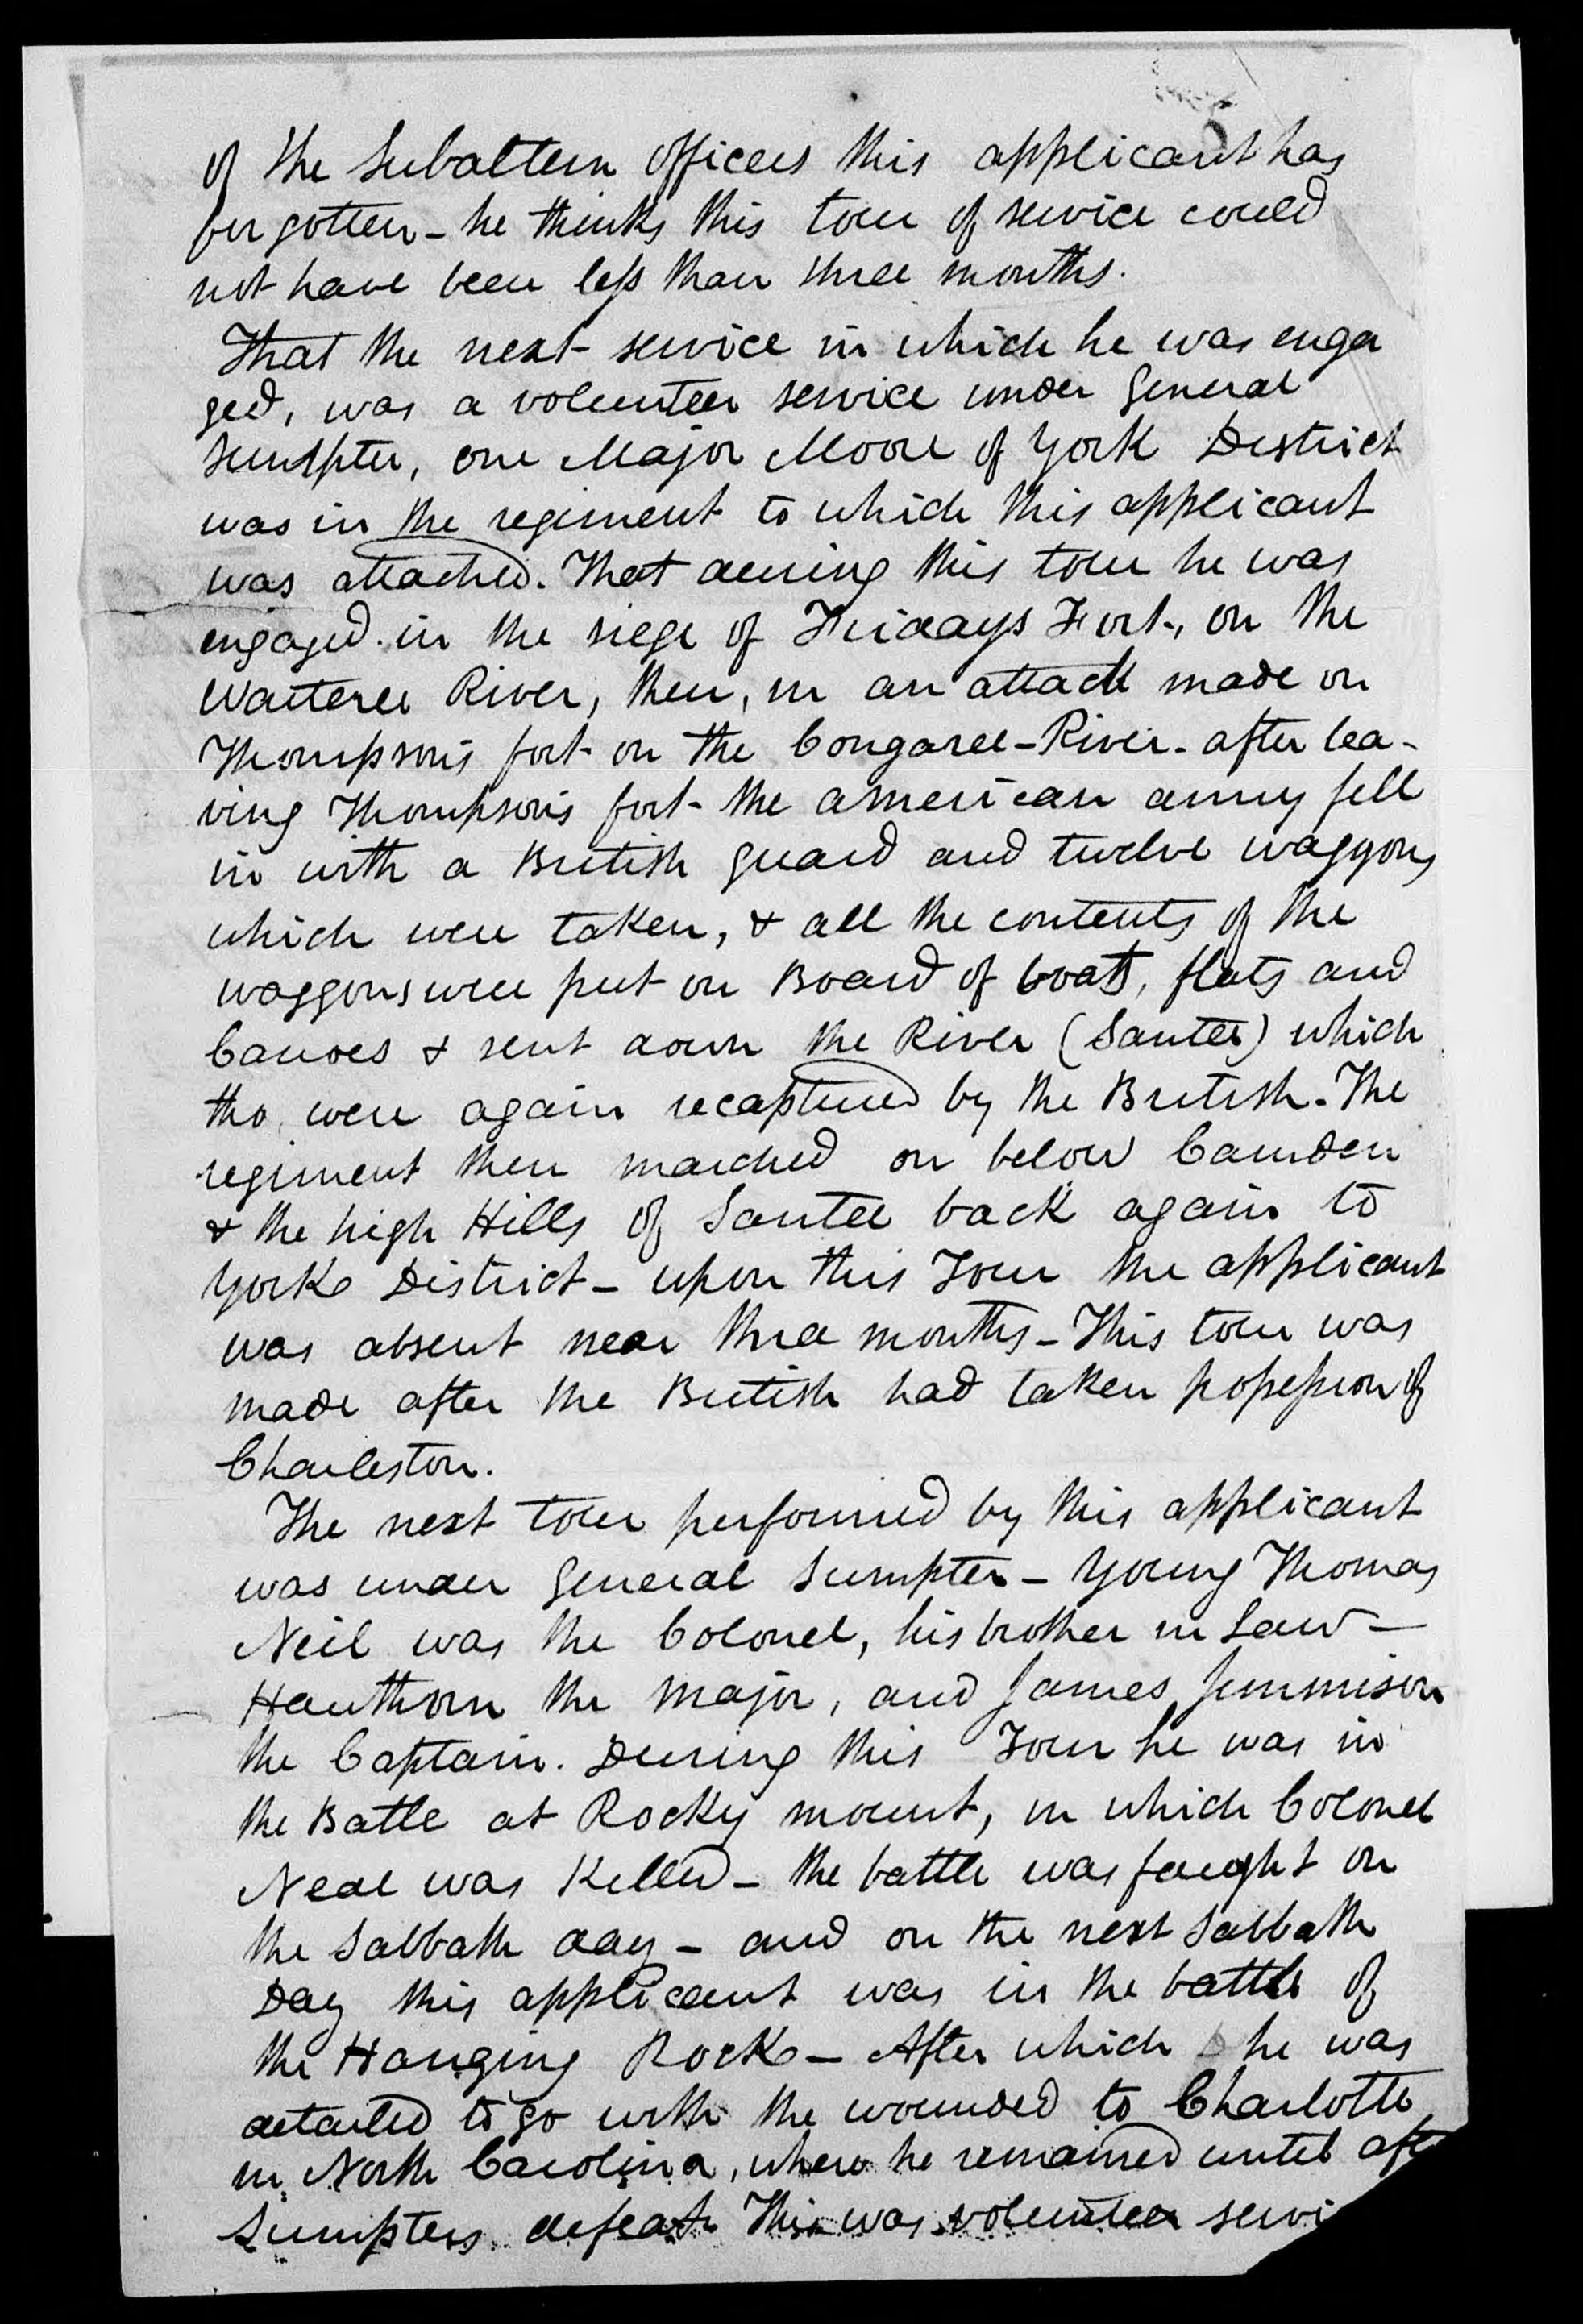of the Subaltern officers this applicant has forgotten he thinks this tour of service could not have been less than three months
That  the next service in which he was engaged was a volunteer service under general Sumpter one major Moore of York District was in the regiment to which this applicant was attached That during this tour he was engaged in the siege of Fridays Fort on the Wateree River then in an attack made on Thompsons fort on the Congaree River after leaving Thompsons fort the American army fell in with a British guard and twelve waggons which were taken & all the contents of the waggons were put on board of boats flats and canoes & sent down the river (Sautee) which the were again recaptured by the British The regiment then marched on below Camden & the High Hills of Sautee back again to York District upon this Tour the applicant was absent near three months This tour was made after the British had taken possession of Charleston.
The next tour performed by this applicant was under General Sumpter Young Thomas Neil was the colonel his brother in law Hawthorn the major and James Jemmison the captain During this tour he was in the battle at Rocky Mount in which Colonel Neal was killed the battle was fought on the Sabbath day and on the next Sabbath Day this applicant was in the battle of the Hanging Rock After which he was detailed to go with the wounded to Charlotte in North Carolina where he remained until aft
Sumpters defeat this was volunteer servi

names: Sumpter, Neal, Sumpter, Neil, Moore, James Jemmison, Sumpter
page: 6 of 17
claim: survivor's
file: S 3397, Jacob Gillham, S.C.